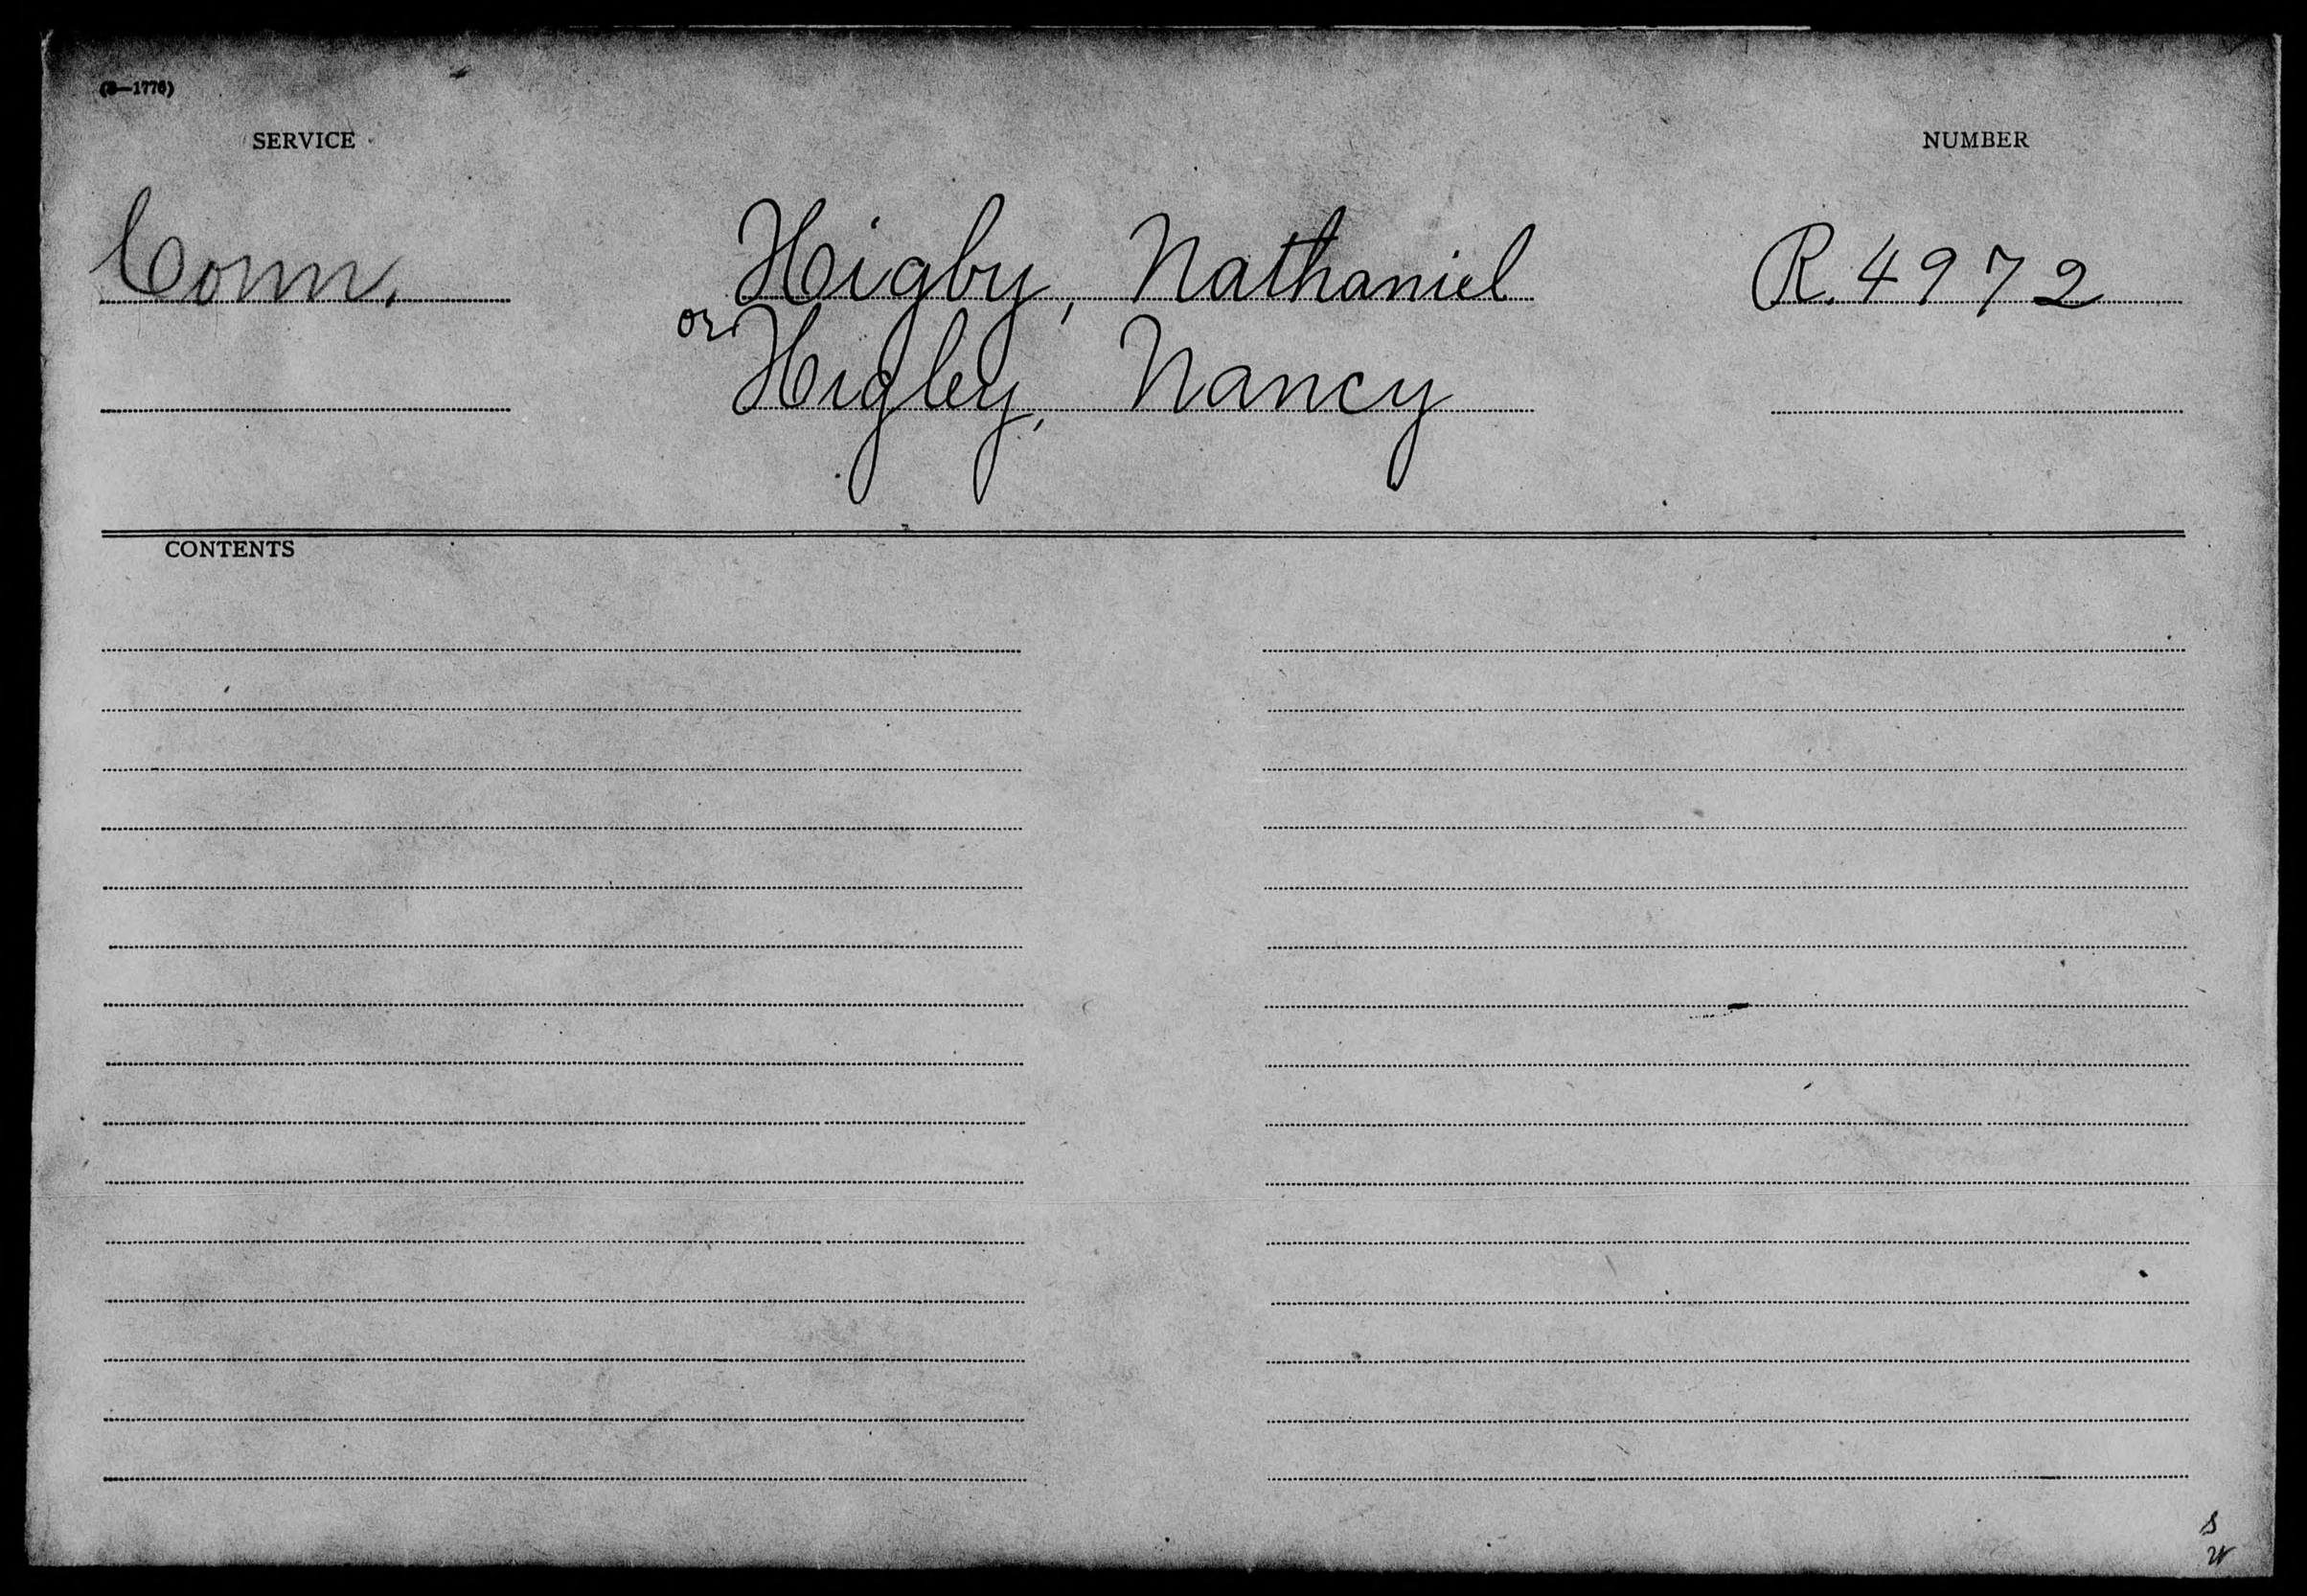Conn. Higby, Nathaniel R.4972
Higby, Nancy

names: Nathaniel Higley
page: 1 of 25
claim: rejected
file: R. 4972, Nathaniel Higby, Conn.